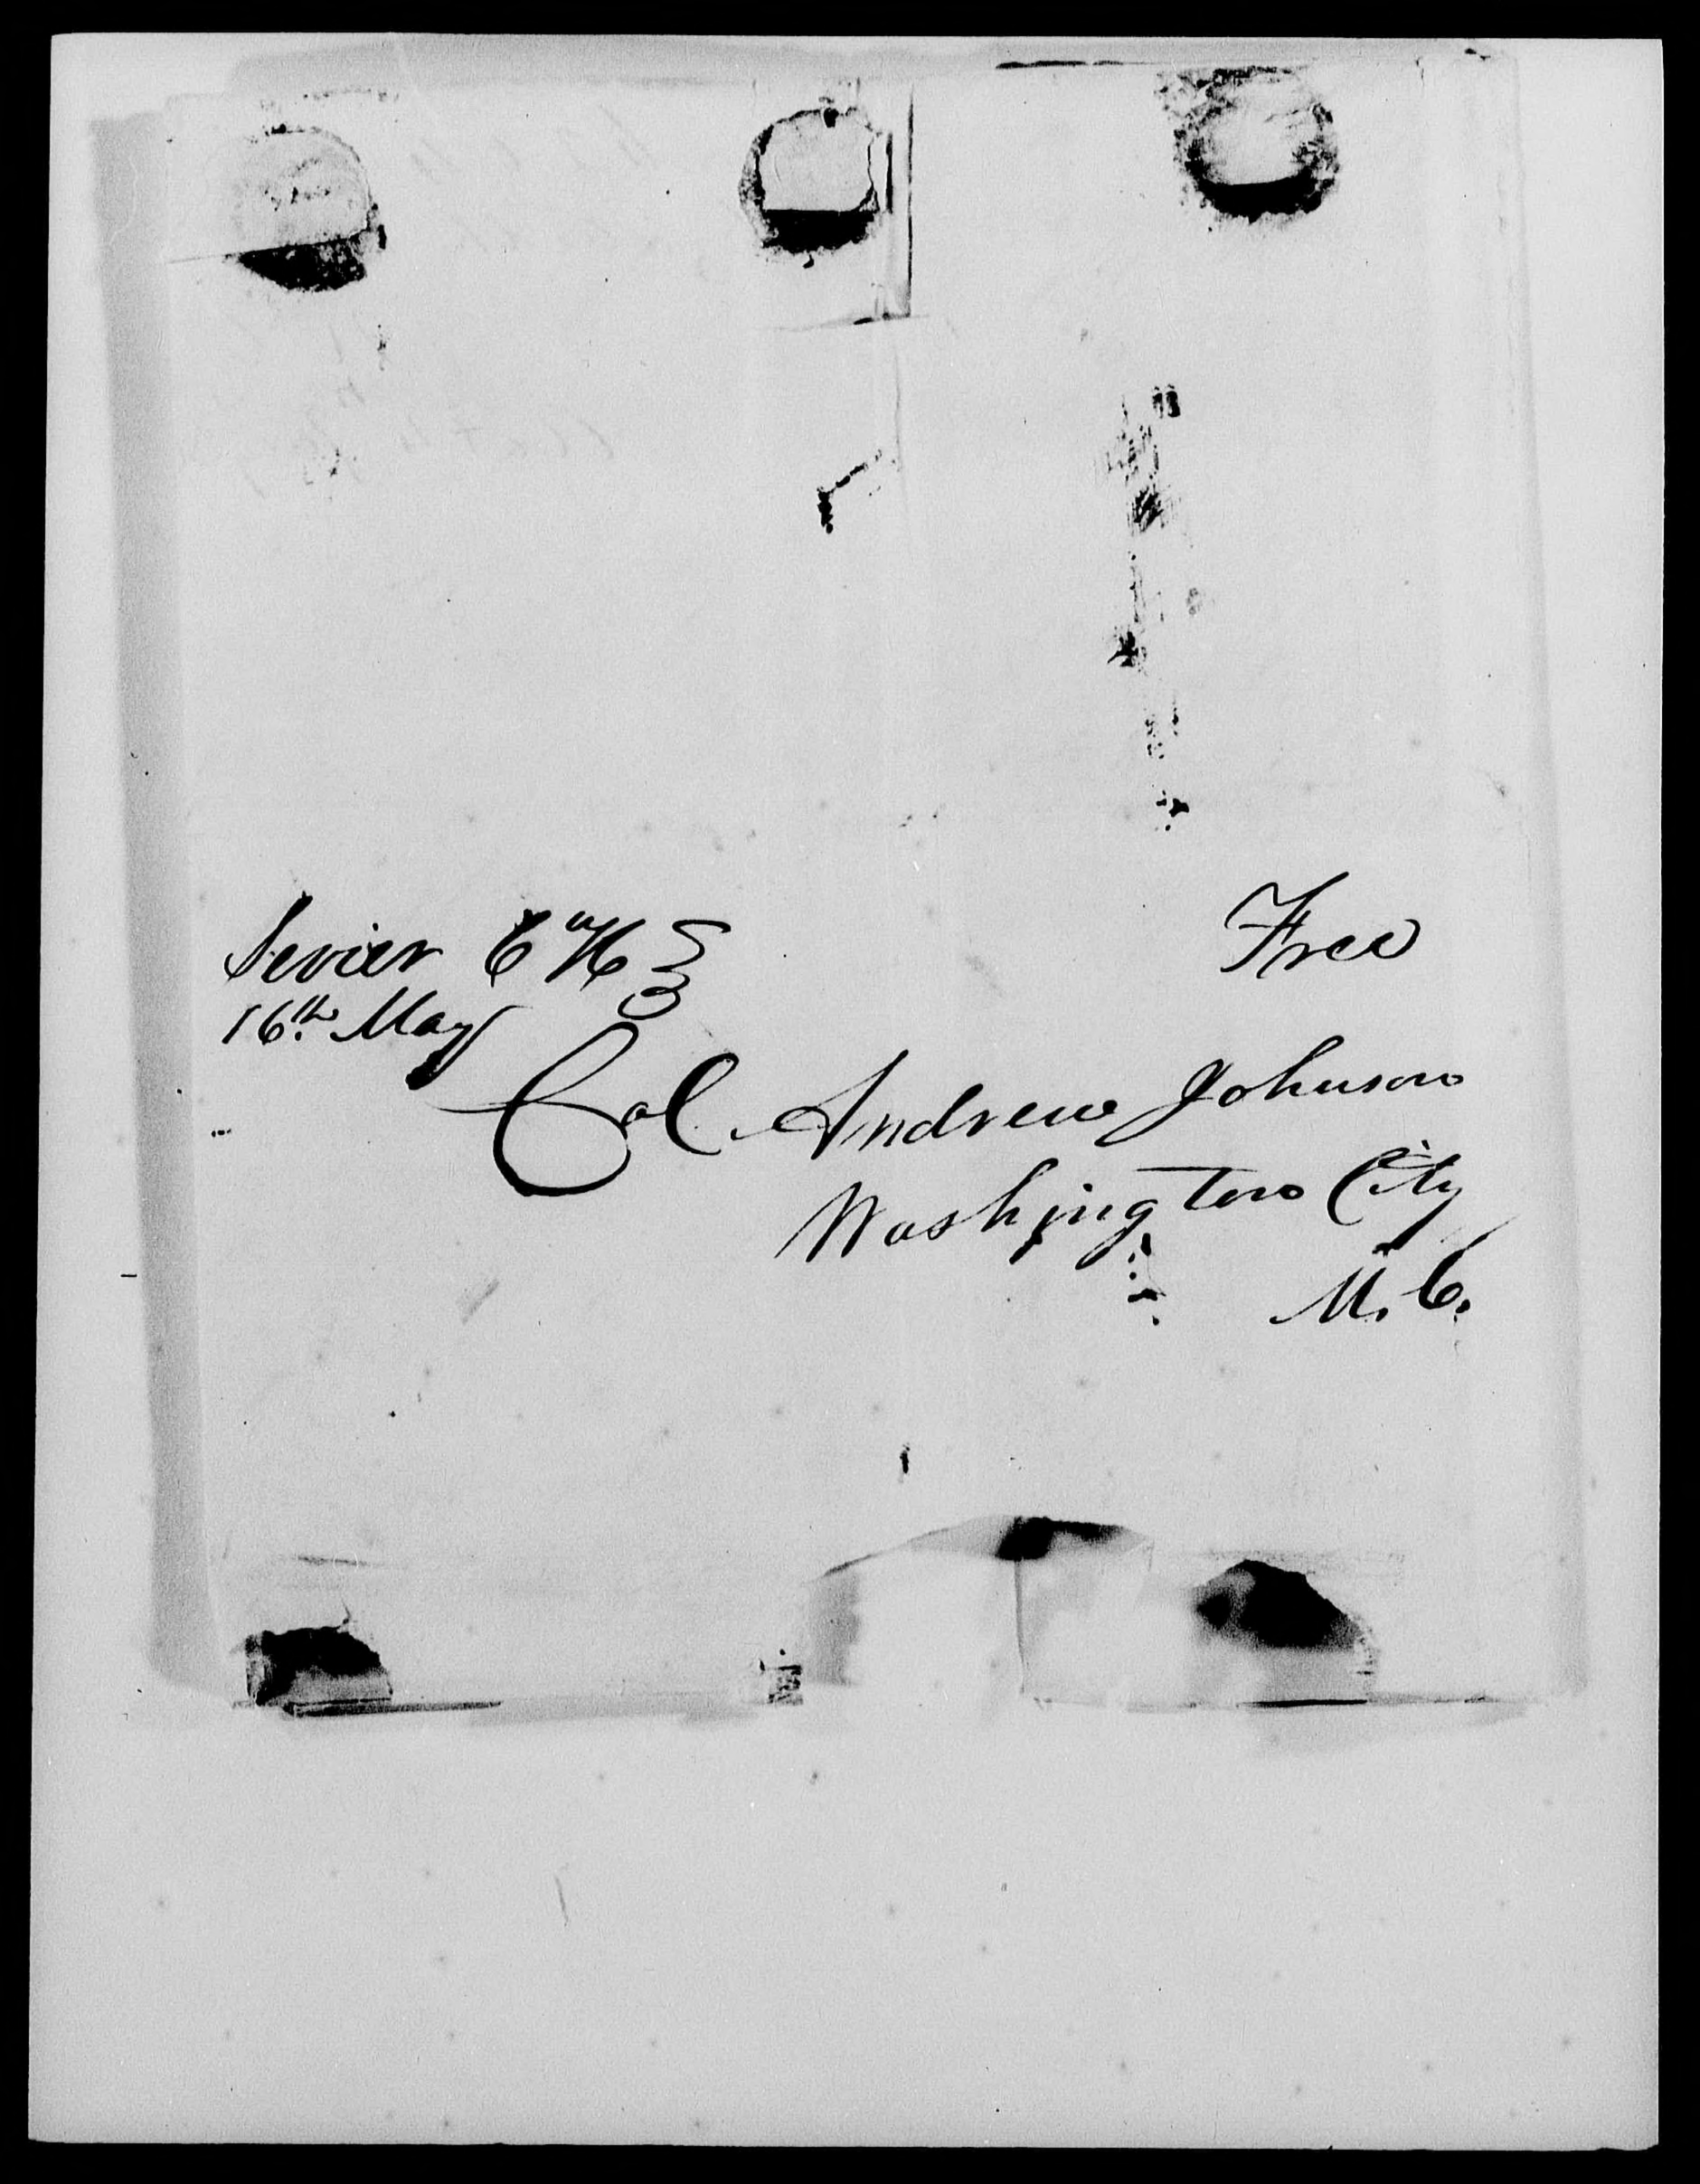[There are three roughly round dark impressions at the top of this record, which appear to have had portions of paper affixed mostly over the top of each.]

Sevier C H [possibly meaning Sevier Court House])
16th. May)
[The word "Free" appears on the opposite right side of the document, probably referring to free postage.]

Col Andrew Johnson
Washingten [or Washington] City
N. C.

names: Andrew Johnson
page: 41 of 50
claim: widow's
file: W. 898, William Bugg, N.C.